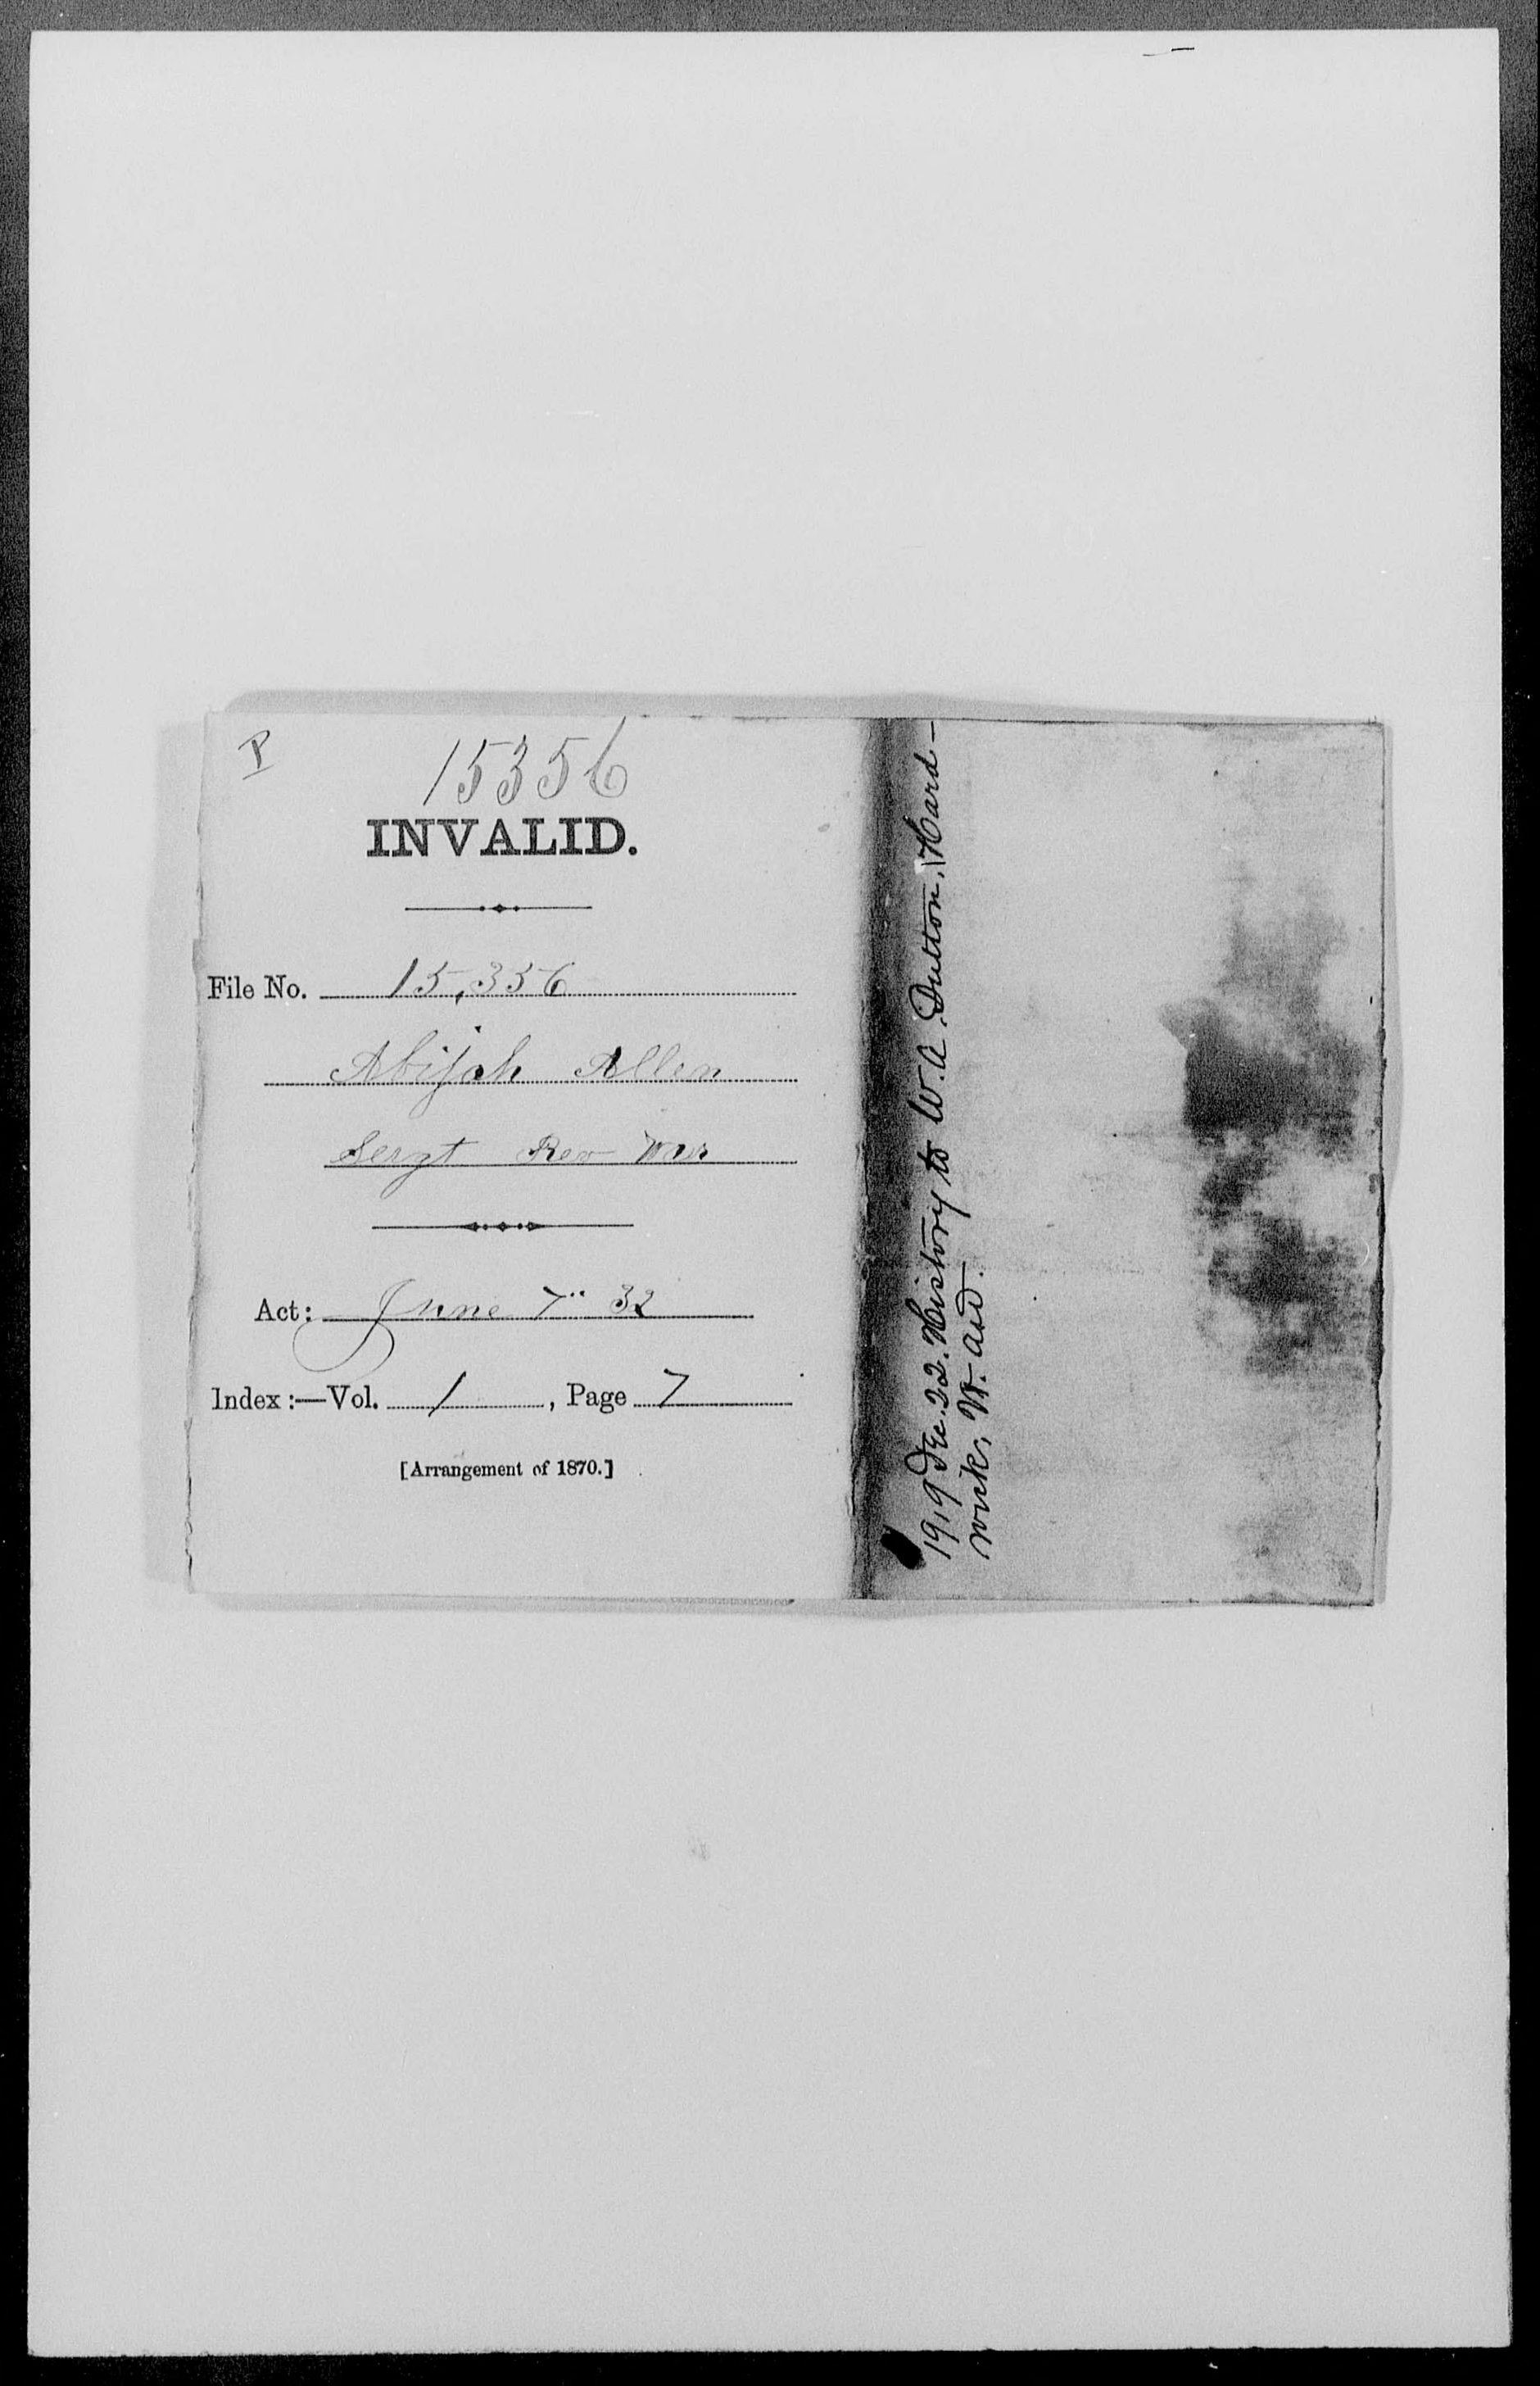P
15356
INVALID. 
File No. 15.356
Abijah Allen 
Sergt Rev War

Act: June 7 32
Index:-Vol. 1, Page 7

[Arrangement of 1870]. 




[NOT COMPLETE]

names: Abijah Allen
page: 15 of 21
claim: survivor's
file: S. 15356, Abijah Allen, Mass.